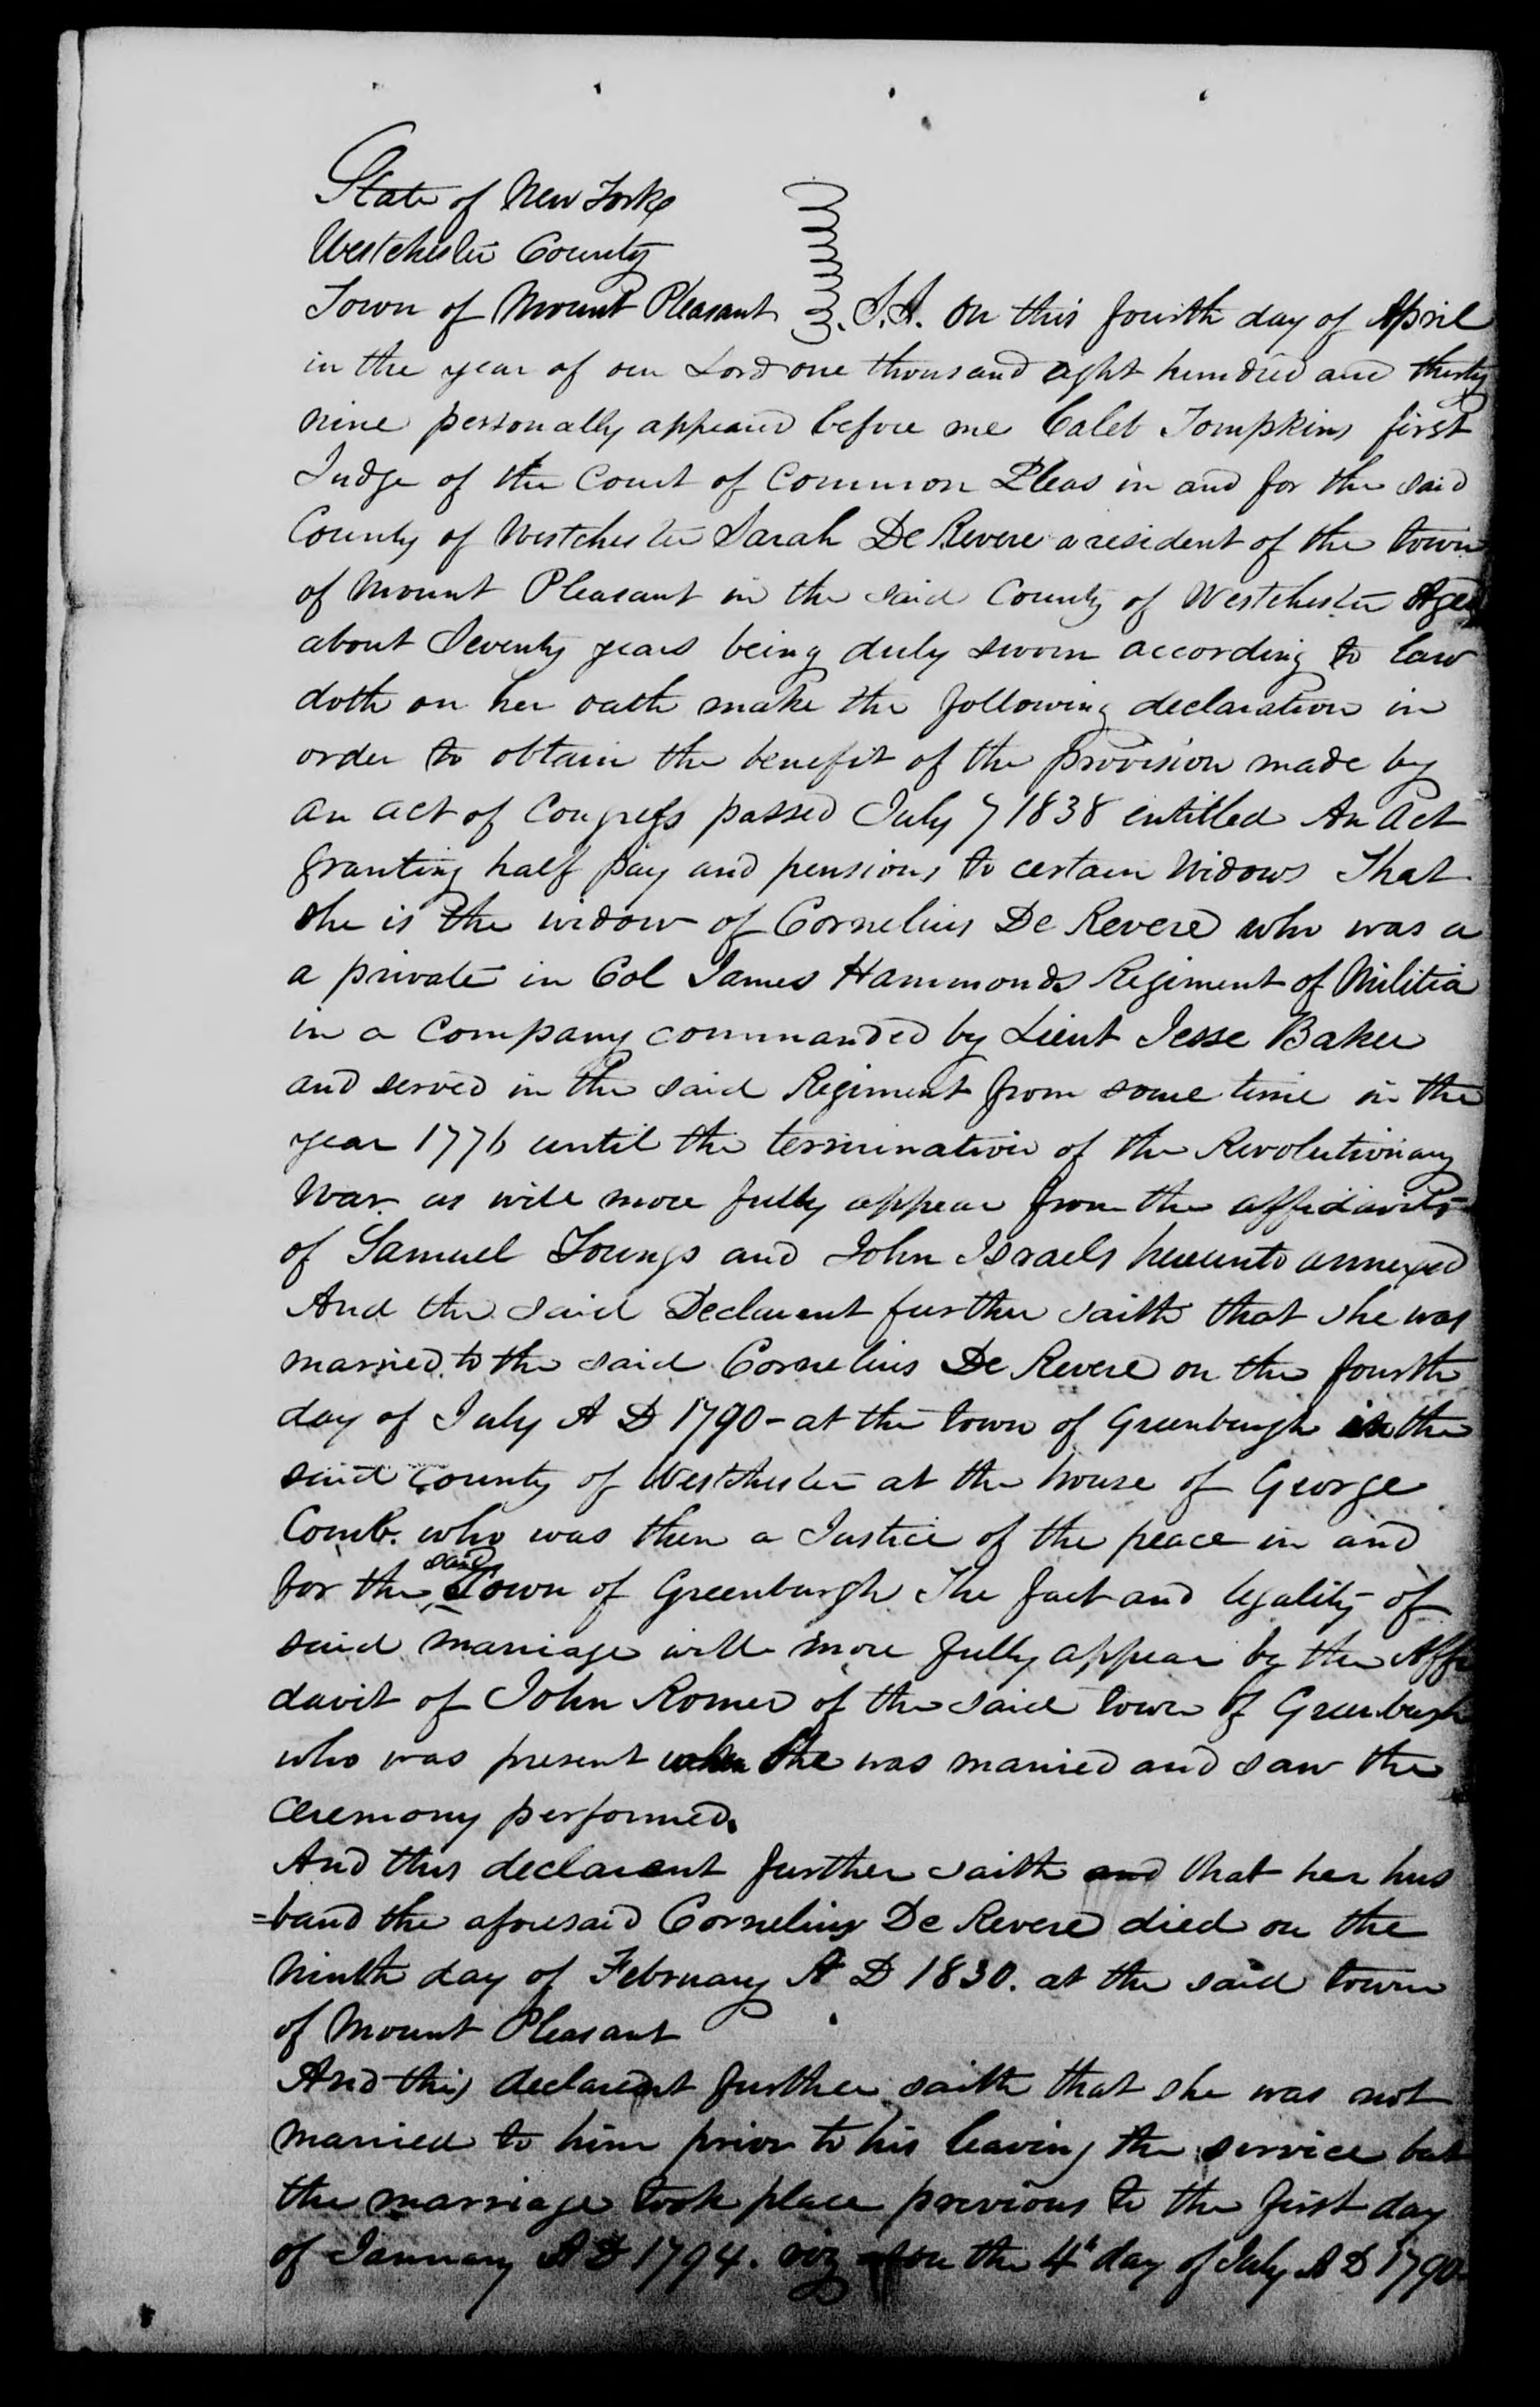State of New York
Westchester County
Town of Mount Pleasant ⎬ S.S. 

On this fourth day of April in the year of our Lord one thousand eight hundred and thirty
nine personally appeared before me Caleb Tompkins first Judge of the Court of Common Pleas in and for the said County of Westchester Sarah DeRevere a resident of the town of Mount Pleasant in the said County of Westchester Aged about Seventy years being duly sworn according to law doth on her oath make the following declaration in order to obtain the benefit of the provision made by
an act of Congress passed July 7 1838 entitled An Act granting half pay and pensions to certain widows That she is the widow of Cornelius DeRevere who was a private in Col James Hammonds Regiment of Militia in a company commanded by Lieut Jesse Baker
and served in the said Regiment from some time in the year 1776 until the termination of the Revolutionary war as will more fully appear from the affidavits of Samuel Youngs and John Israels hereunto annexed
And the said Declarent further saith that she was married to the said Cornelius DeRevere on the fourth day of July AD 1790 - at the town of Greenburgh in the said County of Westchester at the house of George Comb who was then a Justice of the peace in and for the Town of Greenburgh The fact and legality of said marriage will more fully appear by the Affidavit of John Romer of the said town of Greenbush
who was present when she was married and saw the Ceremony performed

And this declarant further saith and that her husband the aforesaid Cornelius DeRevere died on the ninth day of February AD 1830 at the said town of Mount Pleasant

And this declarent further saith that she was not married to him prior to his leaving the service but the marriage took place previous to the first day of January AD 1794, viz on the 4 day of July AD 1790.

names: Cornelius De Revere, John Romer, Cornelius De Revere, Jesse Baker, Samuel Youngs, George Comb, Caleb Tompkins, Cornelius De Revere, Sarah De Revere, John Israels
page: 4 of 40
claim: widow's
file: W. 24057, Cornelius De Revere, New York